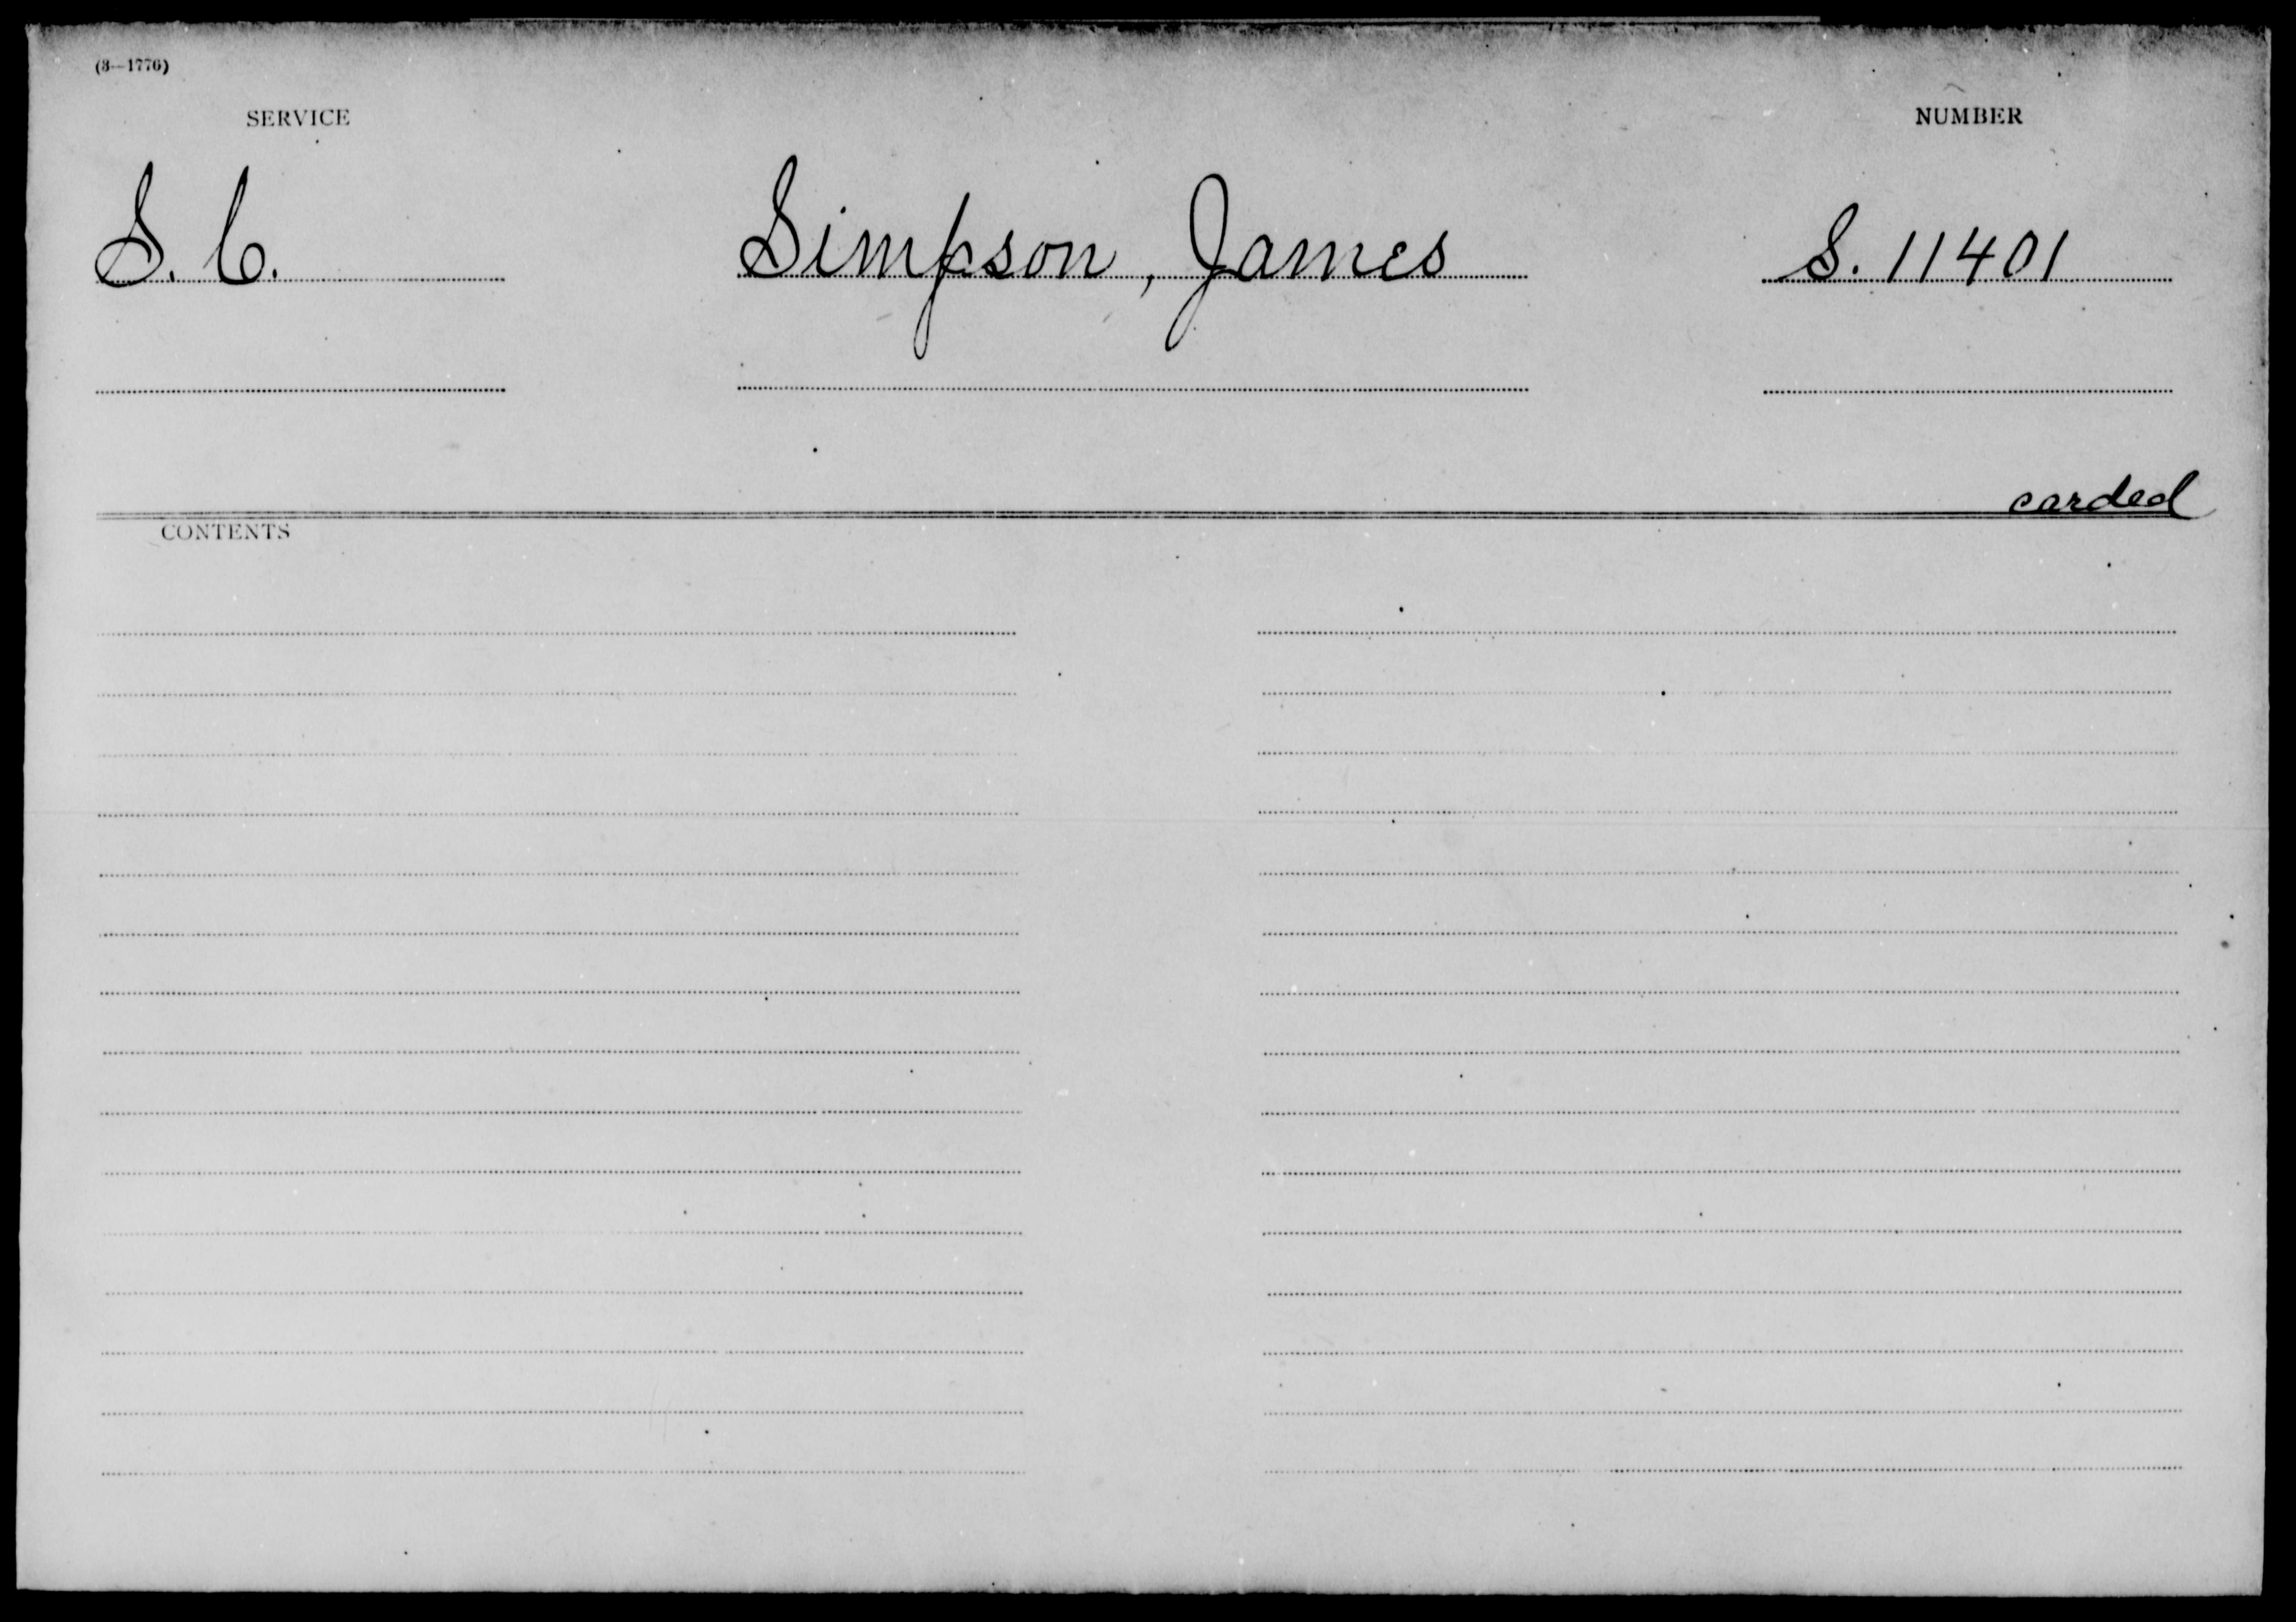Service                           Number
S.C.    Simpson, James   S.11401

carded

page: 1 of 17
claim: survivor's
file: S. 11401, for James Simpson, South Carolina